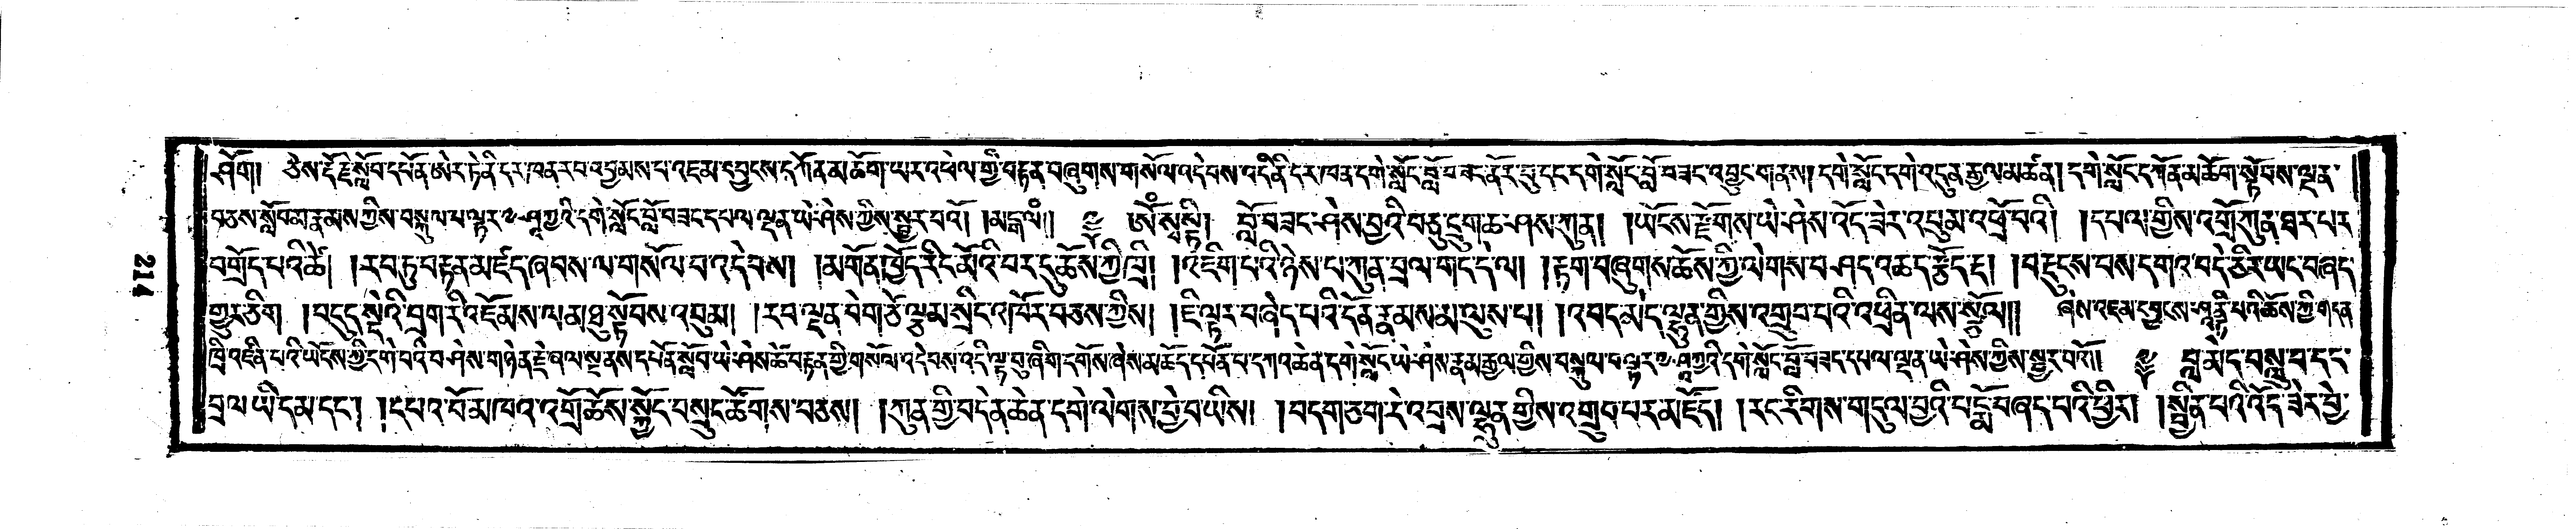ཤོག། ཅེས་རྡོ་རྗེ་སློབ་དཔོན་ཨེར་ཏེ་ནི་དར་ཁན་རབ་འབྱམས་པ་འཇམ་དབྱངས་དཀོན་མཆོག་ཡར་འཕེལ་གྱི་བརྟན་བཞུགས་གསོལ་འདེབས་འདི་ནི་དར་ཁན་དགེ་སློང་བློ་བཟང་ནོར་བུ་དང་དགེ་སློང་བློ་བཟང་འབྱུང་གནས། དགེ་སློང་དགེ་འདུན་རྒྱལ་མཚན། །དགེ་སློང་དཀོན་མཆོག་སྟོབས་ལྡན་
བཅས་སློབ་མ་རྣམས་ཀྱིས་བསྐུལ་པ་ལྟར་༧་ཤཱཀྱའི་དགེ་སློང་བློ་བཟང་དཔལ་ལྡན་ཡེ་ཤེས་ཀྱིས་སྦྱར་བའོ། །མངྒ་ལཾ།། ༈ ཨོཾ་སྭ་སྟི། བློ་བཟང་ཤེས་བྱའི་བཅུ་དྲུག་ཆ་ཤས་ཀུན། །ཡོངས་རྫོགས་ཡེ་ཤེས་འོད་ཟེར་འབུམ་འཕྲོ་བའི། །དཔལ་གྱིས་འགྲོ་ཀུན་ཐར་པར་
བགྲོད་པའི་ཚེ། །རབ་ཏུ་བརྟན་མཛད་ཞབས་ལ་གསོལ་བ་འདེབས། །མགོན་ཁྱོད་རིང་མོའི་བར་དུ་ཆོས་ཀྱི་ཁྲི། །འཇིག་པའི་ཉེས་པ་ཀུན་བྲལ་གང་དེ་ལ། །རྟག་བཞུགས་ཆོས་ཀྱི་ལེགས་བཤད་འཆད་རྩོད་རྔ། །བརྡུངས་པས་དགའ་བདེ་ཅིར་ཡང་བཞད་
གྱུར་ཅིག །བདུད་སྡེའི་བྲག་རི་འཇོམས་ལ་མཐུ་སྟོབས་འབུམ། །རབ་ལྡན་བེག་ཅོ་ལྕམ་སྲིད་འཁོར་བཅས་ཀྱིས། །ཇི་ལྟར་བཞེད་པའི་དོན་རྣམས་མ་ལུས་པ། །འབད་མེད་ལྷུན་གྱིས་འགྲུབ་པའི་འཕྲིན་ལས་སྩོལ།། ཞེས་འཇམ་དབྱངས་ཤཱནྟི་པའི་ཆོས་ཀྱི་གདན་
ཁྲི་འཛིན་པའི་ཡོངས་ཀྱི་དགེ་བའི་བཤེས་གཉེན་རྗེ་ཞལ་སྔ་ནས་དཔོན་སློབ་ཡེ་ཤེས་ཚེ་བརྟན་གྱི་གསོལ་འདེབས་འདི་ལྟ་བུ་ཞིག་དགོས་ཞེས་མཆོད་དཔོན་པ་དཀའ་ཆེན་དགེ་སློང་ཡེ་ཤེས་རྣམ་རྒྱལ་གྱིས་བསྐུལ་བ་ལྟར་༧་ཤཱཀྱའི་དགེ་སློང་བློ་བཟང་དཔལ་ལྡན་ཡེ་ཤེས་ཀྱིས་སྦྱར་བའོ།། ༈ བླ་མེད་བསླུ་བ་དང་
བྲལ་ཡི་དམ་དང་། །དཔའ་བོ་མཁའ་འགྲོ་ཆོས་སྐྱོང་བསྲུང་ཚོགས་བཅས། །ཀུན་གྱི་བདེན་ཆེན་དགེ་ལེགས་བྱེ་བ་ཡིས། །བདག་ཅག་རེ་འབྲས་ལྷུན་གྱིས་འགྲུབ་པར་མཛད། །རང་རིགས་གདུལ་བྱའི་པདམོ་བཞད་པའི་ཕྱིར། །སྦྱིན་བའི་འོད་ཟེར་བྱེ་